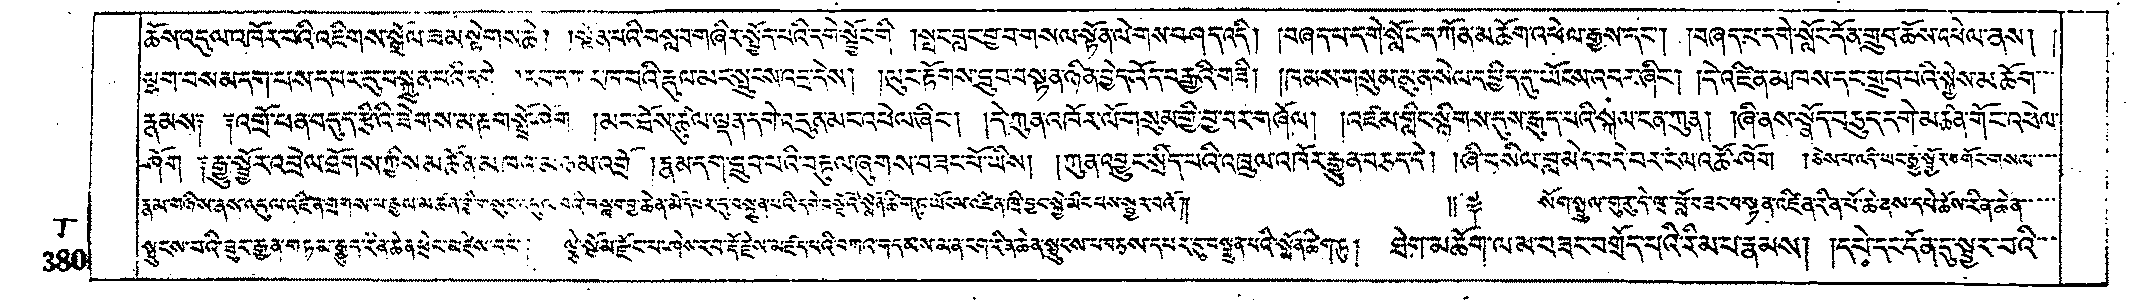ཆོས་འདུལ་འཁོར་བའི་འཇིགས་སྒྲོལ་ཟམ་སྟེགས་ཆེ། །སྟོན་པའི་བསླབ་གཞིར་སྤྱོད་པའི་དགེ་སྦྱོང་གི །སྤང་བླང་བྱ་བ་གསལ་སྟོན་ལེགས་བཤད་འདི། །བཞད་པ་དགེ་སློང་དཀོན་མཆོག་འཕེལ་རྒྱས་དང་། །བཞད་པ་དགེ་སློང་དོན་གྲུབ་ཆོས་འཕེལ་ནས། །
ལྷག་བསམ་དག་པས་དཔར་དུ་བསྐྲུན་པའི་དགེ །རབ་དཀར་ཁ་བའི་རྡུལ་མང་སྤུངས་འདྲ་དེས། །ལུང་རྟོགས་ཐུབ་བསྟན་ཉིན་བྱེད་འོད་བརྒྱའི་གཟི། །ཁམས་གསུམ་མུན་སེལ་དཔྱིད་དུ་ཡོངས་འབར་ཞིང་། །དེ་འཛིན་མཁས་དང་གྲུབ་པའི་སྐྱེས་མཆོག་་་
རྣམས༑ ༑འགྲོ་ཕན་བདུད་རྩིའི་ཟེགས་མ་རྟག་སྤྲོ་ཤོག །མང་ཐོས་ཚུལ་ལྡན་དགེ་འདུན་མང་འཕེལ་ཞིང་། །དེ་ཀུན་འཁོར་ལོ་གསུམ་གྱི་བྱ་བར་གཞོལ། །འཛམ་གླིང་སྙིགས་དུས་རྒུད་པའི་སྐལ་ངན་ཀུན། །ཞི་ནས་སྣོད་བཅུད་དགེ་མཚན་གོང་འཕེལ་
ཤོག ༑རྒྱུ་སྦྱོར་འབྲེལ་ཐོགས་ཀྱིས་མཚོན་མཁའ་མཉན་འགྲོ། །རྣམ་དག་ཐུབ་པའི་བརྟུལ་ཞུགས་བཟང་པོ་ཡིས། །ཀུན་འབྱུང་སྲིད་པའི་འཁྲུལ་འཁོར་རྒྱུན་བཅད་དེ། །ཞི་བསིལ་བླ་མེད་བདེ་བར་ངལ་འཚོ་ཤོག །ཅེས་པ་འདི་ཡང་རྒྱུ་སྦྱོར་པ་གོང་གསལ་་་
རྣམ་གཉིས་ནས་འདུལ་འཛིན་གྲགས་པ་རྒྱལ་མཚན་གྱི་གསུང་འདུལ་བའི་བསླབ་བྱ་ཆེན་མོ་དཔར་དུ་བསྐྲུན་པའི་དགེ་བསྔོའི་སྨོན་ཚིག་ཏུ་ཡོངས་འཛིན་ཁྲི་བྱང་སྐྱེ་མིང་པས་སྦྱར་བའོ།། །། འ་སོག་སྦྲུལ་གུ་རུ་དེ་ཝ་བློ་བཟང་བསྟན་འཛིན་རིན་པོ་ཆེ་ནས་དཔེ་ཆོས་རིན་ཆེན་་་
སྦུངས་པའི་ཟུར་རྒྱན་གཏམ་རྒྱུད་རིན་ཆེན་ཕྲེང་མཛེས་དང་། ལྕེ་སྒོམ་རྫོང་པ་ཤེས་རབ་རྡོ་རྗེས་མཛད་པའི་བཀའ་གདམས་མན་ངག་རིན་ཆེན་སྦུངས་པ་བཅས་དཔར་དུ་བསྐྲུན་པའི་སྨོན་ཚིག་ཏུ། ཐེག་མཆོག་ལམ་བཟང་བགྲོད་པའི་རིམ་པ་རྣམས། །དཔེ྾་དང་དོན་དུ་སྦྱར་བའི་་་